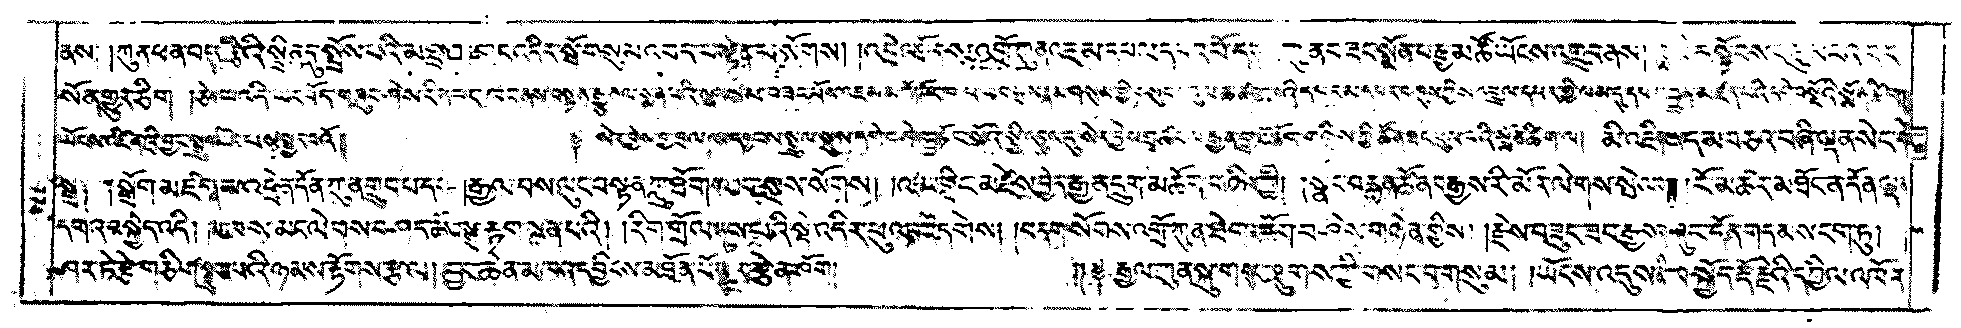ནས། །ཀུན་ཕན་བདུད་རྩིའི་སྤྲིན་དུ་སྤྲོས་པའི་མཐུས། །གང་འདིར་སྒོ་གསུམ་འབད་པ་བསྟེན་པ་སོགས། །འབྲེལ་ཐོགས་འགྲོ་ཀུན་འཇམ་དཔལ་དཔའ་བོ་དང་། །ཀུན་བཟང་སྨོན་པ་རྒྱ་མཚོ་ཡོངས་འགྲུབ་ནས། །ཟླ་མེད་སྟོབས་བཅུ་མངའ་བར་
སོན་གྱུར་ཅིག །ཅེས་པ་འདི་ཡང་བོད་གཞུང་ཤེས་རིག་དཔར་ཁང་ནས་བསྟན་རྒྱུན་ལ་སྨན་པའི་ལྷག་བསམ་བཟང་པོས་འཇམ་མགོན་ཙོང་ཁ་པ་ཡབ་སྲས་རྣམ་གསུམ་གྱི་གསུང་འབུམ་ཆ་ཚང་ལྷ་སའི་དཔར་མ་དཔར་བཤུས་ཀྱིས་འཕྲུལ་དཔར་གྱི་ལམ་དུ་དཔར་བསྐྲུན་མཛད་པའི་དགེ་བསྔོའི་སྨོན་ཚིག་ཏུ།
ཡོངས་འཛིན་ཁྲི་བྱང་སྤྲུལ་མིང་པས་སྦྱར་བའོ།། །།༈ སེར་བྱེས་བྱ་བྲལ་འཇམ་དབྱངས་སྤྲུལ་སྐུས་དགེ་བཤེས་གཏོང་སྒོའི་སྤྱི་འབུལ་དུ་སེར་བྱེས་གྲྭ་ཚང་ལ་རྒྱན་དྲུག་མཆོག་གཉིས་ཀྱི་ཚོན་ཐང་ཕུལ་བའི་སྨོན་ཚིག་ལ། མི་འཇིགས་དམ་བཅའ་བཞི་ལྡན་སེང་གེའི་
སྒྲ༑ ༑སྒྲོག་མཛད་རྣམ་འདྲེན་དོན་ཀུན་གྲུབ་པ་དང་། །རྒྱལ་བས་ལུང་བསྟན་ཀླུ་ཐོགས་ཡབ་སྲས་སོགས། །འཛམ་གླིང་མཛེས་བྱེད་རྒྱན་དྲུག་མཆོག་གཉིས་ཀྱི། །སྣང་བརྙན་ཚོན་བརྒྱས་རི་མོར་ལེགས་སྤེལ་བ། །ངོ་མཚར་མཐོང་ན་དོན་ལྡན་
དགའ་བསྐྱེད་འདི། །མཁས་མང་ལེགས་བཤད་ཆོས་སྒྲ་རྟག་སྙན་པའི། །རིག་གྲོལ་འདུས་པའི་སྡེ་འདིར་ཕུལ་བའི་དགེས། །བདག་སོགས་འགྲོ་ཀུན་ཐེག་མཆོག་བཤེས་གཉེན་གྱིས། །རྗེས་བཟུང་ཟབ་རྒྱས་གཞུང་དོན་གདམས་ངག་ཏུ། །
ཤར་ཏེ་རྩེ་གཅིག་སྒྲུབ་པའི་ཉམས་རྟོགས་རྩལ། །བྱང་ཆེན་མཁའ་དབྱིངས་མཐོན་པོར་མྱུར་རྩེན་ཤོག ། །།༈ རྒྱལ་ཀུན་སྐུ་གསུང་ཐུགས་ཀྱི་གསང་བ་གསུམ། །ཡོངས་འདུས་མི་བསྐྱོད་རྡོ་རྗེའི་དཀྱིལ་འཁོར་